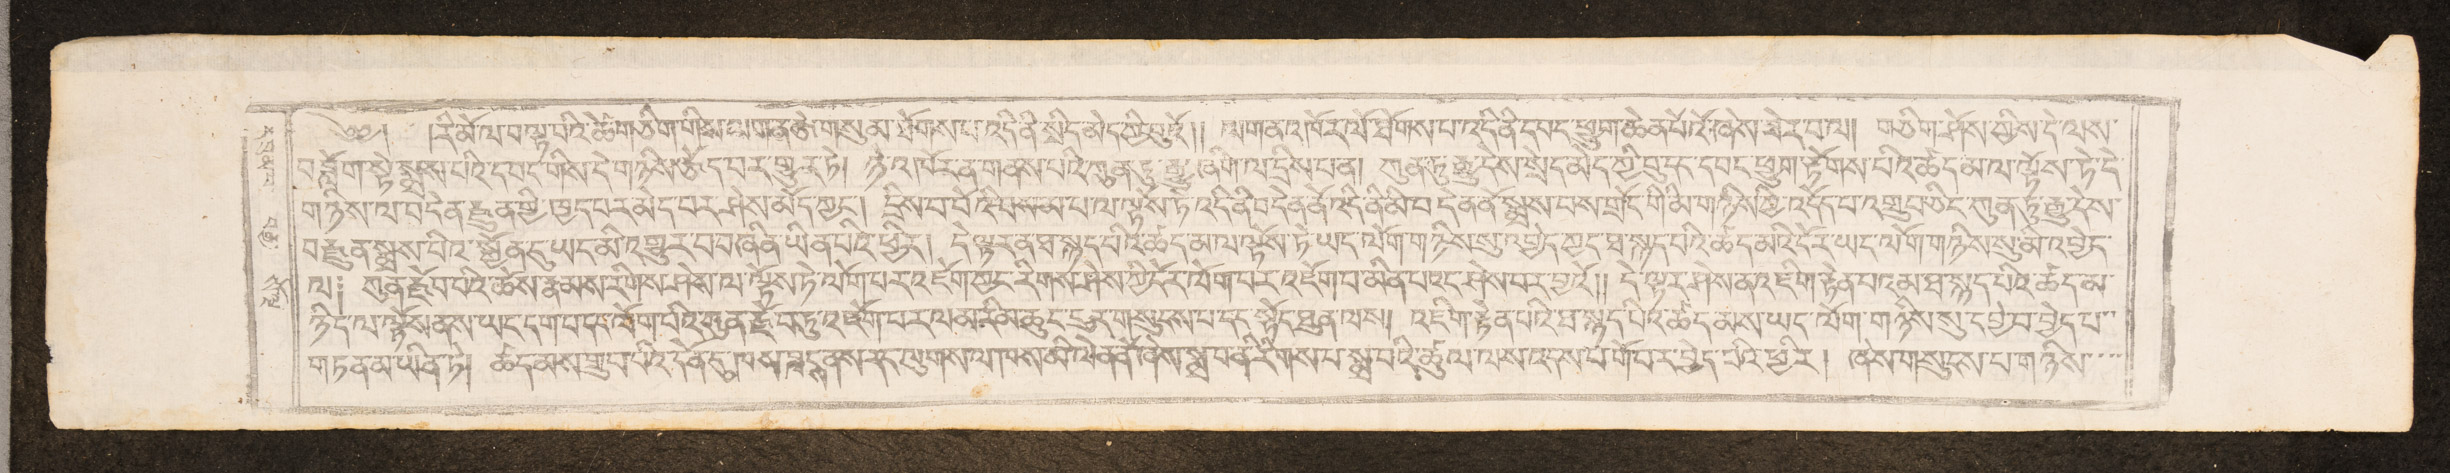༄༅། །རི་མོ་ལ་བལྟ་བའི་ཚེ་གཅིག་གིས་ལག་ན་རྩེ་གསུམ་ཐོགས་པ་འདི་ནི་སྲིད་མེད་ཀྱི་བུའོ། །ལག་ན་འཁོར་ལོ་ཐོགས་པ་འདྲི་ནི་དབང་ཕྱུག་ཆེན་པོའོ་ཞེས་ཟེར་བ་ལ། གཅིག་ཤོས་ཀྱིས་དེ་ལས་
བཟློག་སྟེ་སྨྲས་པའི་དབང་གིས་དེ་གཉིས་རྩོད་པར་གྱུར་ཏེ། ཉེ་འཁོར་ན་གནས་པའི་ཀུན་ཏུ་རྒྱུ་ཞིག་ལ་དྲིས་པ་ན། ཀུན་ཏུ་རྒྱུ་དེས་སྲེད་མེད་ཀྱི་བུ་དང་དབང་ཕྱུག་རྟོགས་པའི་ཚད་མ་ལ་ལྟོས་ཏེ་དེ་
གཉིས་ལ་བདེན་རྫུན་གྱི་ཁྱད་པར་མེད་པར་ཤེས་མོད་ཀྱང་། དྲིས་བ་བོའི་བསམ་པ་ལ་ལྟོས་ཏེ་འདི་ནི་བདེན་ནོ་འདི་ནི་མི་བདེན་ནོ་སྨྲས་པས་གྲོང་གི་མི་གཉིས་ཀྱི་འདོད་པ་འགྲུབ་ཅིང་ཀུན་ཏུ་རྒྱུ་དེས་
བརྫུན་སྨྲས་པའི་སྐྱོན་དུ་ཡང་མི་འགྱུར་བ་བཞིན་ཡིན་པའི་ཕྱིར། དེ་ལྟར་ན་ཐ་སྙད་པའི་ཚད་མ་ལ་ལྟོས་ཏེ་ཡང་ལོག་གཉིས་སུ་འབྱེད་ཀྱང་ཐ་སྙད་པའི་ཚད་མའི་དོར་ཡང་ལོག་གཉིས་སུ་མི་འབྱེད་
ལ༑ ཀུན་རྫོབ་པའི་ཆོས་རྣམས་རིགས་ཤེས་ལ་ལྟོས་ཏེ་ལོག་པར་འཇོག་ཀྱང་རིགས་ཤེས་ཀྱི་ངོར་ལོག་པར་འཇོག་པ་མིན་པའང་ཤེས་པར་བྱའོ།། དེ་ལྟར་ཤེས་ན་འཇིག་རྟེན་པའམ་ཐ་སྙད་པའི་ཚད་མ་
ཉིད་ལ་ལྟོས་ནས་ཡང་དག་པ་དང་ལོག་པའི་ཀུན་རྫོབ་ཏུ་འཇོག་པར་ལམ་རིག་ཆུང་ངུར་གསུངས་པ་དང་སྟོང་ཐུན་ལས། འཇིག་རྟེན་པའི་ཐ་སྙད་པའི་འཚད་མས་ཡང་ལོག་གཉིས་སུ་དབྱེ་བ་བྱེད་པ་
གཏན་མ་ཡིན་ཏེ། ཚད་མས་གྲུབ་པའི་དོན་དུ་ཁས་བླངས་ནས་རང་ལུགས་ལས་ཁམས་མི་ལེན་ནོ་ཞེས་སྨྲས་བ་ནི་རིགས་པ་སྨྲ་བའི་ཚུལ་ལས་འདས་པ་གོ་བར་བྱེད་པའི་ཕྱིར། ཞེས་གསུངས་པ་གཉིས་